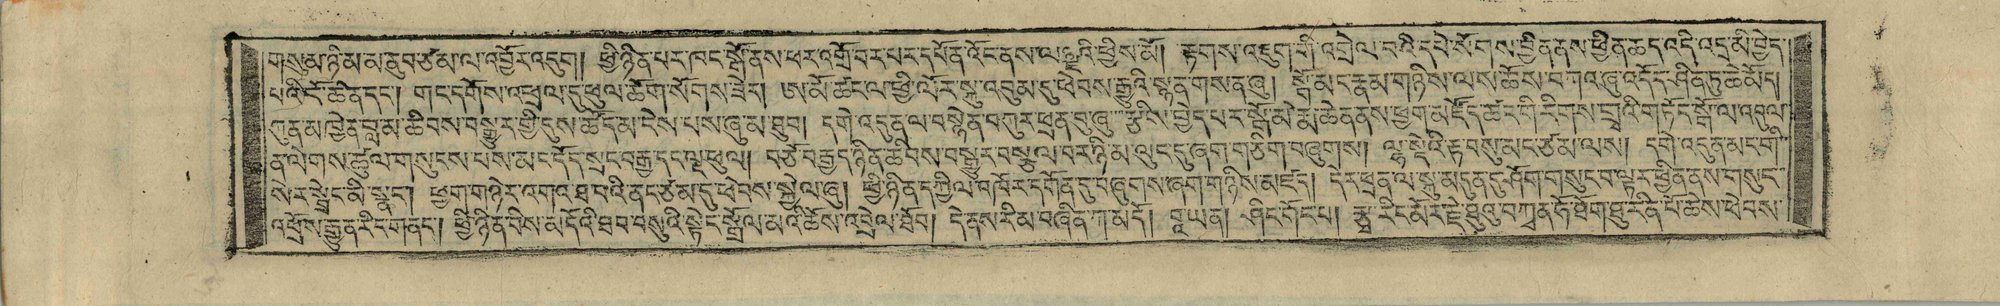གསུམ་ཉི་མ་མ་ནུབ་ཙམ་ལ་འབྱོར་འདུག །ཕྱི་ཉིན་པར་ཁང་སྒོ་ནས་ཕར་འགྲོ་བར་པར་དཔོན་འོང་ནས་ལཉྫའི་ཕྱིས་མོ། རྟགས་འཇུག་གི་འགྲེལ་བའི་དཔེ་སོགས་བྱིན་ནས་ཕྱིན་ཆད་འདི་འདྲ་མི་བྱེད་
པའི་ངོ་ཆེན་དང་། གང་དགོས་འཕྲལ་དུ་ཕུལ་ཆོག་སོགས་ཟེར། ཨ་མོ་ཚང་ལ་ཕྱི་ལོར་སྐུ་འབུམ་དུ་ཕེབས་རྒྱུའི་སྙན་གསན་ཞུ། སྒོ་མང་རྣམ་གཉིས་ལས་ཆོས་བཀའ་ཞུ་འདོད་ཤིན་ཏུ་ཆེ་མོད།
ཀུན་མཁྱེན་བླ་མ་ཆིབས་བསྒྱུར་གྱི་དུས་ཚོད་མ་ངེས་པས་ཞུ་མ་ཐུབ། དགེ་འདུན་ལ་བསྙེན་བཀུར་ཕྲན་བུ་ཞུ་རྩིས་བྱེད་པར་སྒོ་མེ་རྨ་ཆེན་ནས་ཕྱག་མཛོད་ཚང་གི་རིགས་གྲྭའི་གཏོང་སྒོ་ལ་འབུལ་
ན་ལེགས་ཚུལ་གསུངས་པས་མང་དོད་སྲང་བརྒྱ་དང་ལྔ་ཕུལ། བཅོ་བརྒྱད་ཉིན་ཆིབས་བསྒྱུར་བསྩལ་བར་ཉི་མ་ལུང་དུ་ཞག་གཅིག་བཞུགས། ལྷ་སྡེའི་རྟ་བསུ་མང་ཙམ་ལས། དགེ་འདུན་མང་གི་
སེར་སྦྲེང་མི་སྣང་། ཕྱག་གཉེར་འགའ་ཐ་བའི་ནང་ཙམ་དུ་ཕེབས་སྐྱེལ་ཞུ། ཕྱི་ཉིན་དཀྱིལ་འཁོར་དགོན་དུ་བཞུགས་ཞག་གཉིས་མཛད། དེར་ཕྲན་ལ་སྐུ་མདུན་དུ་ཤོག་གསུང་བ་ལྟར་ཕྱིན་ནས་གསུང་
འཕྲོས་རྒྱུན་རིང་གནང་། ཕྱི་ཉིན་བིས་མདོའི་ཐབ་བསུའི་སྟེང་སྒྲོལ་མའི་ཆོས་འབྲེལ་ཐོབ། དེ་ནས་རིམ་བཞིན་ཀ་མདོ། བཱ་ཡན། ཤིན་གོང་པ། རྩྭ་རིང་མོར་རྗེ་ཐུའུ་བཀྭན་ཧོ་ཐོག་ཐུ་རིན་པོ་ཆེས་ཕེབས་